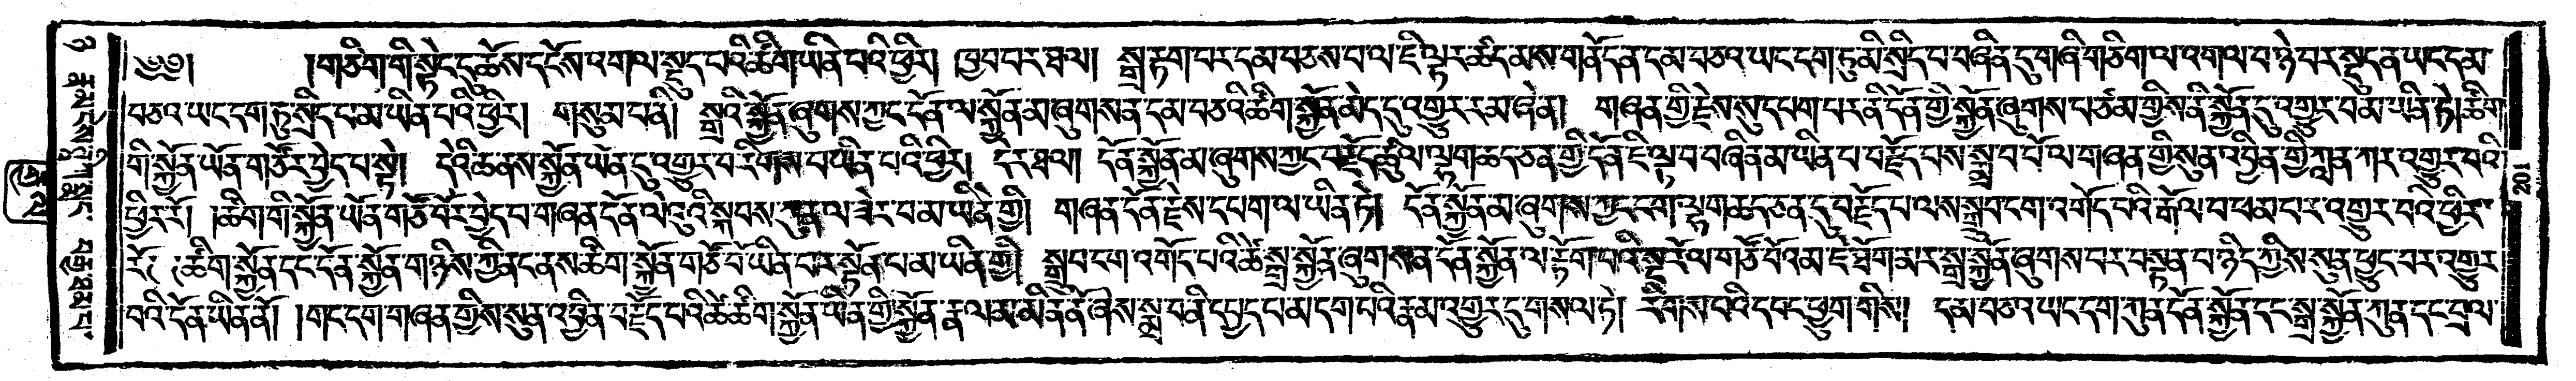༄༅། །གཅིག་གི་སྟེང་དུ་ཆོས་དངོས་འགལ་སྡུད་པའི་ཚིག་ཡིན་པའི་ཕྱིར། ཁྱབ་པར་ཐལ། སྒྲ་རྟག་པར་དམ་བཅས་བ་ལ་ཇི་ལྟར་ཚད་མས་གནོད་ན་དམ་བཅའ་ཡང་དག་ཏུ་མི་སྲིད་པ་བཞིན་དུ་གཞི་གཅིག་ལ་འགལ་བ་ཉེ་བར་སྡུད་ན་ཡང་དམ་
བཅའ་ཡང་དག་ཏུ་སྲིད་པ་མ་ཡིན་པའི་ཕྱིར། གསུམ་པ་ནི། སྒྲའི་སྐྱོན་ཞུགས་ཀྱང་དོན་ལ་སྐྱོན་མ་ཞུགས་ན་དམ་བཅའི་ཚིག་སྐྱོན་མེད་དུ་འགྱུར་རམ་ཞེ་ན། གཞན་གྱི་རྗེས་སུ་དཔག་པར་ནི་དོན་གྱི་སྐྱོན་ཞུགས་པ་ཙམ་གྱིས་ནི་སྐྱོན་དུ་འགྱུར་བ་མ་ཡིན་ཏེ། ཚིག་
གི་སྐྱོན་ཡོན་གཙོར་བྱེད་པ་སྟེ། དེའི་ཆ་ནས་སྐྱོན་ཡོན་དུ་འགྱུར་བ་རིགས་བ་ཡིན་པའི་ཕྱིར། དེར་ཐལ། དོན་སྐྱོན་མ་ཞུགས་ཀྱང་བརྗོད་ཚུལ་ལྷག་ཆད་ཅན་གྱི་དོན་ཇི་ལྟ་བ་བཞིན་མ་ཡིན་པ་བརྗོད་པས་སྨྲ་བ་པོ་ལ་གཞན་གྱི་སུན་འབྱིན་གྱི་ཀླན་ཀར་འགྱུར་བའི་
ཕྱིར་རོ། །ཚིག་གི་སྐྱོན་ཡོན་གཙོ་བོར་བྱེད་པ་གཞན་དོན་ལེའུའི་སྐབས་ཀུན་ལ་ཟེར་བ་མ་ཡི་ནེ་གྱི། གཞན་དོན་རྗེས་དཔག་ལ་ཡིན་ཏེ། དོན་སྐྱོན་མ་ཞུགས་ཀྱང་དག་ལྷག་ཆད་ཅན་དུ་བརྗོད་པ་ལས་སྒྲུབ་ངག་འགོད་པའི་རྒོལ་བ་ཕམ་པར་འགྱུར་བའི་ཕྱིར་
རོ༑ ༑ཚིག་སྐྱོན་དང་དོན་སྐྱོན་གཉིས་ཀྱི་ནང་ནས་ཚིག་སྐྱོན་གཙོ་བོ་ཡིན་པར་སྟོན་པ་མ་ཡིན་གྱི། སྒྲུབ་ངག་འགོད་པའི་ཚེ་སྒྲ་སྐྱོན་ཞུགས་ན་དོན་སྐྱོན་ལ་རྟོག་པའི་སྔ་རོལ་གཙོ་བོའམ་ཇེ་ཐོག་མར་སྒྲ་སྐྱོན་ཞུགས་བར་བསྟན་པ་ཉིད་ཀྱིས་སུན་ཕྱུང་བར་འགྱུར་
བའི་དོན་ཡིན་ནོ། །གང་དག་གཞན་གྱིས་སུན་འབྱིན་བརྗོད་པའི་ཚེ་ཚིག་སྐྱོན་ཡིན་གྱི་སྐྱོན་རྣལ་མ་མིན་ནོ་ཞེས་སྨྲ་བ་ནི་དཔྱད་པ་མ་དག་པའི་རྣམ་འགྱུར་དུ་གསལ་ཏེ། རིགས་བའི་དབང་ཕྱུག་གིས། དམ་བཅའ་ཡང་དག་ཀུན་དོན་སྐྱོན་དང་སྒྲ་སྐྱོན་ཀུན་དང་བྲལ་